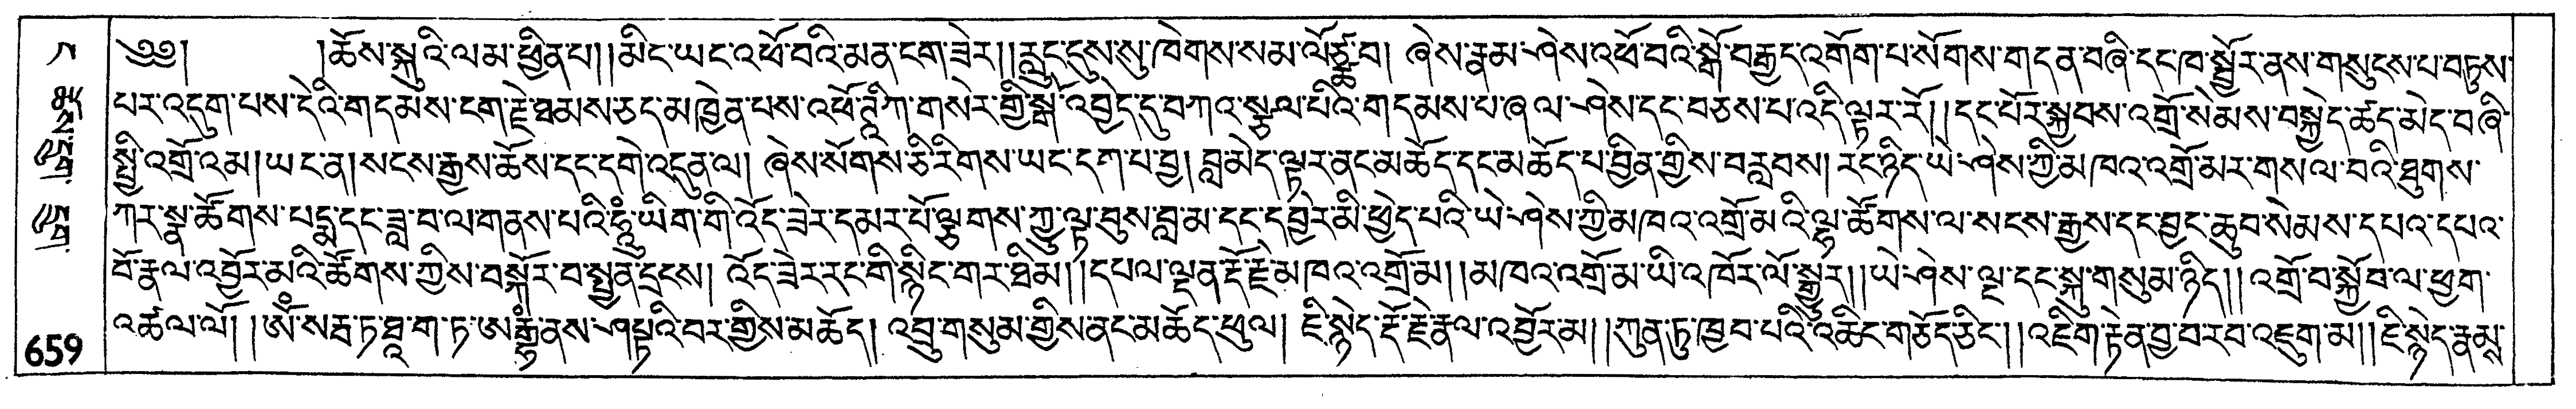༄༅། །ཆོས་སྐུའི་ལམ་ཕྱིན་པ། །མིང་ཡང་འཕོ་བའི་མན་ངག་ཟེར། །རླུང་དུས་སུ་ཁེགས་སམ་ལོཙྪ་བ། ཞེས་རྣམ་ཤེས་འཕོ་བའི་སྒོ་བརྒྱད་འགོག་པ་སོགས་གདན་བཞི་དང་ཁ་སྦྱོར་ནས་གསུངས་པ་བཏུས་
པར་འདུག་པས་དེའི་གདམས་ངག་རྗེ་ཐམས་ཅད་མཁྱེན་པས་འཕོ་ཊཱིཀ་གསེར་གྱི་སྒོ་འབྱེད་དུ་བཀའ་སྩལ་པའི་གདམས་པ་ཞལ་ཤེས་དང་བཅས་པ་འདི་ལྟར་རོ། །དང་པོར་སྐྱབས་འགྲོ་སེམས་བསྐྱེད་ཚད་མེད་བཞི་
སྤྱི་འགྲོ་འམ། ཡང་ན། སངས་རྒྱས་ཆོས་དང་དགེ་འདུན་ལ། ཞེས་སོགས་ཅི་རིགས་ཡང་དག་པ་བྱ། བླ་མེད་ལྟར་ནང་མཆོད་དང་མཆོད་པ་བྱིན་གྱིས་བརླབས། རང་ཉིད་ཡེ་ཤེས་ཀྱི་མཁའ་འགྲོ་མར་གསལ་བའི་ཐུགས་
ཀར་སྣ་ཚོགས་པདམ་དང་ཟླ་བ་ལ་གནས་པའི་ཧཱུཾ་ཡིག་གི་འོད་ཟེར་དམར་པོ་ལྕགས་ཀྱུ་ལྟ་བུས་བླ་མ་དང་དབྱེར་མི་ཕྱེད་པའི་ཡེ་ཤེས་ཀྱི་མཁའ་འགྲོ་མའི་ལྷ་ཚོགས་ལ་སངས་རྒྱས་དང་བྱང་ཆུབ་སེམས་དཔའ་དཔའ་
བོ་རྣལ་འབྱོར་མའི་ཚོགས་ཀྱིས་བསྐོར་བ་སྤྱན་དྲངས། འོད་ཟེར་རང་གི་སྙིང་གར་ཐིམ། །དཔལ་ལྡན་རྡོ་རྗེ་མཁའ་འགྲོ་མ། །མཁའ་འགྲོ་མ་ཡི་འཁོར་ལོ་སྒྱུར། །ཡེ་ཤེས་ལྔ་དང་སྐུ་གསུམ་ཉིད། །འགྲོ་བ་སྐྱོབ་ལ་ཕྱག་
འཚལ་ལོ། །ཨོཾ་སརྦ་ཏ་ཐཱ་ག་ཏ་ཨརྒྷཾ་ནས་ཤཔྟའི་བར་གྱིས་མཆོད། འབྲུ་གསུམ་གྱིས་ནང་མཆོད་ཕུལ། ཇི་སྙེད་རྡོ་རྗེ་རྣལ་འབྱོར་མ། །ཀུན་ཏུ་ཁྱབ་པའི་འཆིང་གཅོད་ཅིང་། །འཇིག་རྟེན་བྱ་བ་རབ་འཇུག་མ། །ཇི་སྙེད་རྣམ་